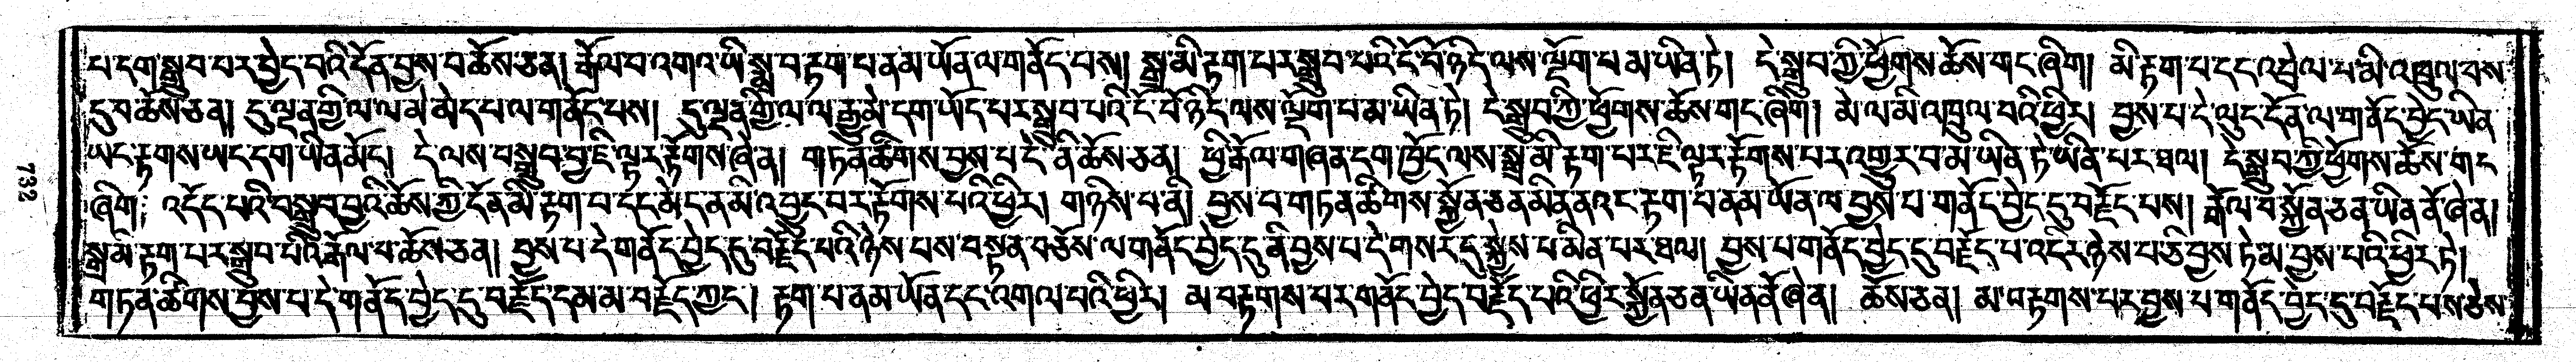པ་དག་སྒྲུབ་པར་བྱེད་པའི་དོན་བྱས་བ་ཆོས་ཅན། རྒོལ་བ་འགའ་ཡི་སྨྲ་བརྟག་པ་ནམ་ཡོན་ལ་གནོད་བས། སྒྲ་མི་རྟག་པར་སྒྲུབ་པའི་ངོ་བོ་ཉིད་ལས་ལྡོག་པ་མ་ཡིན་ཏེ། དེ་སྒྲུབ་ཀྱི་ཕྱོགས་ཆོས་གང་ཞིག། མི་རྟག་པ་དང་འབྲེལ་པ་མི་འཁྲུལ་བས་
དུ་བ་ཆོས་ཅན། དུ་ལྡན་གྱི་ལ་ལ་མེ་མེད་པ་ལ་གནོད་པས། དུ་ལྡན་གྱི་ལ་ལ་རྒྱུ་མེ་དག་ཡོད་པར་སྒྲུབ་པའི་ངོ་བོ་ཉིད་ལས་ལྡོག་པ་མ་ཡིན་ཏེ། དེ་སྒྲུབ་ཀྱི་ཕྱོགས་ཆོས་གང་ཞིག། མེ་ལ་མི་འཁྲུལ་བའི་ཕྱིར། བྱས་པ་དེ་ལུང་དོན་ལ་གནོད་བྱེད་ཡིན་
ཡང་རྟགས་ཡང་དག་ཡིན་མོད། དེ་ལས་བསྒྲུབ་བྱ་ཇི་ལྟར་རྟོགས་ཞེ་ན། གཏན་ཚིགས་བྱས་པ་དེ་ནི་ཆོས་ཅན། ཕྱི་རྒོལ་གཞན་དག་ཁྱོད་ལས་སྒྲ་མི་རྟག་པར་ཇི་ལྟར་རྟོགས་པར་འགྱུར་བ་མ་ཡིན་ཏེ་ཡིན་པར་ཐལ། དེ་སྒྲུབ་ཀྱི་ཕྱོགས་ཆོས་གང་
ཞིག༑ འདོད་པའི་བསྒྲུབ་བྱའི་ཆོས་ཀྱི་དོན་མི་རྟག་བ་དང་མེད་ན་མི་འབྱུང་བར་རྟོགས་པའི་ཕྱིར། གཉིས་པ་ནི། བྱས་བ་གཏན་ཚིགས་སྐྱོན་ཅན་མིན་ནའང་རྟག་པ་ནམ་ཡོན་ལ་བྱས་པ་གནོད་བྱེད་དུ་བརྗོད་པས། རྒོལ་བ་སྐྱོན་ཅན་ཡིན་ནོ་ཞེ་ན།
སྒྲ་མི་རྟག་པར་སྒྲུབ་པའི་རྒོལ་པ་ཆོས་ཅན། བྱས་པ་དེ་གནོད་བྱེད་དུ་བརྗོད་པའི་ཉེས་པས་བསྟན་བཅོས་ལ་གནོད་བྱེད་དུ་ནི་བྱས་པ་དེ་གསར་དུ་སྐྱེས་པ་མིན་པར་ཐལ། བྱས་པ་གནོད་བྱེད་དུ་བརྗོད་པ་འདིར་ཉེས་པ་ཅི་བྱས་ཏེ་མ་བྱས་པའི་ཕྱིར་ཏེ།
གཏན་ཚིགས་བྱས་པ་དེ་གནོད་བྱེད་དུ་བརྗོད་དམ་མ་བརྗོད་ཀྱང་། རྟག་པ་ནམ་ཡོན་དང་འགལ་བའི་ཕྱིར། མ་བརྟགས་པར་གནོད་བྱེད་བརྗོད་པའི་ཕྱིར་སྐྱོན་ཅན་ཡིན་ནོ་ཞེ་ན། ཆོས་ཅན། མ་བརྟགས་པར་བྱས་པ་གནོད་བྱེད་དུ་བརྗོད་པས་ཅེས་